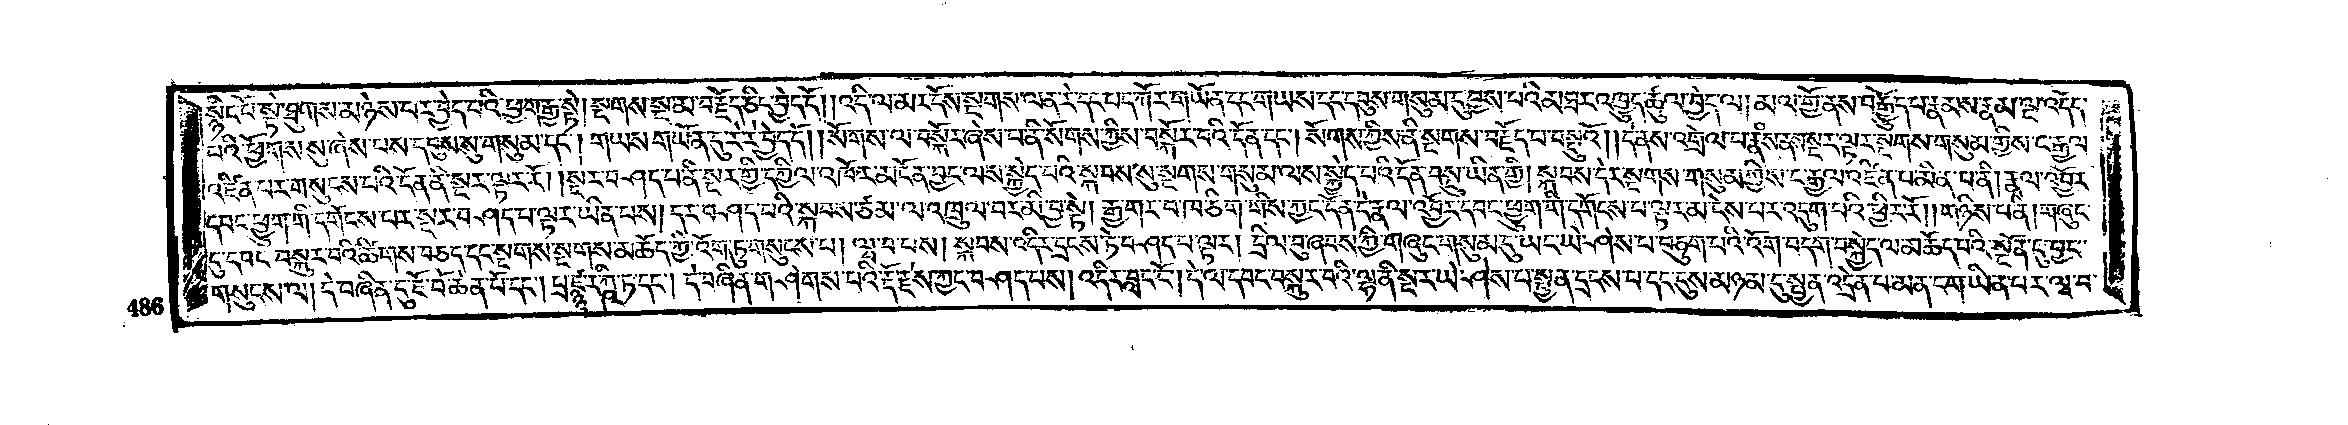སྙིང་པོ་སྟེ་ཐུགས་མཉེས་པར་བྱེད་པའི་ཕྱག་རྒྱ་སྟེ། སྔགས་སྔ་མ་བརྗོད་ཅིང་བྱེད་དོ། །འདི་ལ་མར་དོས་སྔགས་ལན་རེ་དང་པད་ཀོར་གཡོན་དང་གཡས་དང་དབུས་གསུམ་དུ་བྱས་པའི་མཐར་འཁྱུད་ཚུལ་བྱེད་ལ། མལ་གྱོ་ནས་བརྒྱུད་པ་རྣམས་རྣམ་ལྔ་འདོད་
པའི་ཕྱོགས་སུ་ཞེས་པས་དབུས་སུ་གསུམ་དང་། གཡས་གཡོན་དུ་རེ་རེ་བྱེད་དོ། །སོགས་ལ་བསྐོར་ཞེས་པ་ནི་སོགས་ཀྱིས་བསྐོར་བའི་དོན་དང་། སོགས་ཀྱིས་ནི་སྔགས་བརྗོད་པ་བསྡུའོ། །དེ་ནས་འགྲེལ་པ་རྣམས་ནས་སྔར་ལྟར་སྔགས་གསུམ་གྱིས་ང་རྒྱལ་
འཛིན་པར་གསུངས་པའི་དོན་ནི་སྔར་ལྟར་རོ། །སྔར་བཤད་པ་ནི་སྔར་གྱི་དཀྱིལ་འཁོར་མངོན་བྱང་ལས་སྐྱེད་པའི་སྐབས་སུ་སྔགས་གསུམ་ལས་སྐྱེད་པའི་དོན་བསྡུ་ཡིན་གྱི། སྐབས་དེར་སྔགས་གསུམ་གྱིས་ང་རྒྱལ་འཛིན་པ་མིན་པ་ནི། རྣལ་འབྱོར་
དབང་ཕྱུག་གི་དགོངས་པར་སྔར་བཤད་པ་ལྟར་ཡིན་པས། དར་བཤད་པའི་སྐབས་ཙམ་ལ་འཁྲུལ་བར་མི་བྱ་སྟེ། རྒྱ་གར་བ་ཁ་ཅིག་གིས་ཀྱང་དོན་དེ་རྣལ་འབྱོར་དབང་ཕྱུག་གི་དགོངས་པ་ལྟར་མ་ངེས་པར་འདུག་པའི་ཕྱིར་རོ། །གཉིས་པ་ནི། གཞུང་
དུ་དབང་བསྐུར་བའི་ཚིགས་བཅད་དང་སྔགས་སྔགས་མཆོད་ཀྱི་འོག་ཏུ་གསུངས་པ། ལྭ་བ་པས། སྐབས་འདིར་དྲངས་ཏེ་བཤད་པ་ལྟར། དྲིལ་བུ་ཞབས་ཀྱི་གཞུང་གསུམ་དུ་ཡང་ཡེ་ཤེས་པ་བཅུག་པའི་འོག་བདག་བསྐྱེད་ལ་མཆོད་པའི་སྔོན་དུ་བྱ་བ་
གསུངས་ལ། དེ་བཞིན་དུ་ཇོ་བོ་ཆེན་པོ་དང་། པྲཛྙཱ་རཀྵི་ཏ་དང་། དེ་བཞིན་གཤེགས་པའི་རྡོ་རྗེས་ཀྱང་བཤད་པས། འདིར་བླང་ངོ། དེ་ལ་དབང་བསྐུར་བའི་ལྷ་ནི་སྔར་ཡེ་ཤེས་པ་སྤྱན་དྲངས་པ་དང་དུས་མཉམ་དུ་སྤྱན་འདྲེན་པ་མན་ངག་ཡིན་པར་ལྭ་བ་